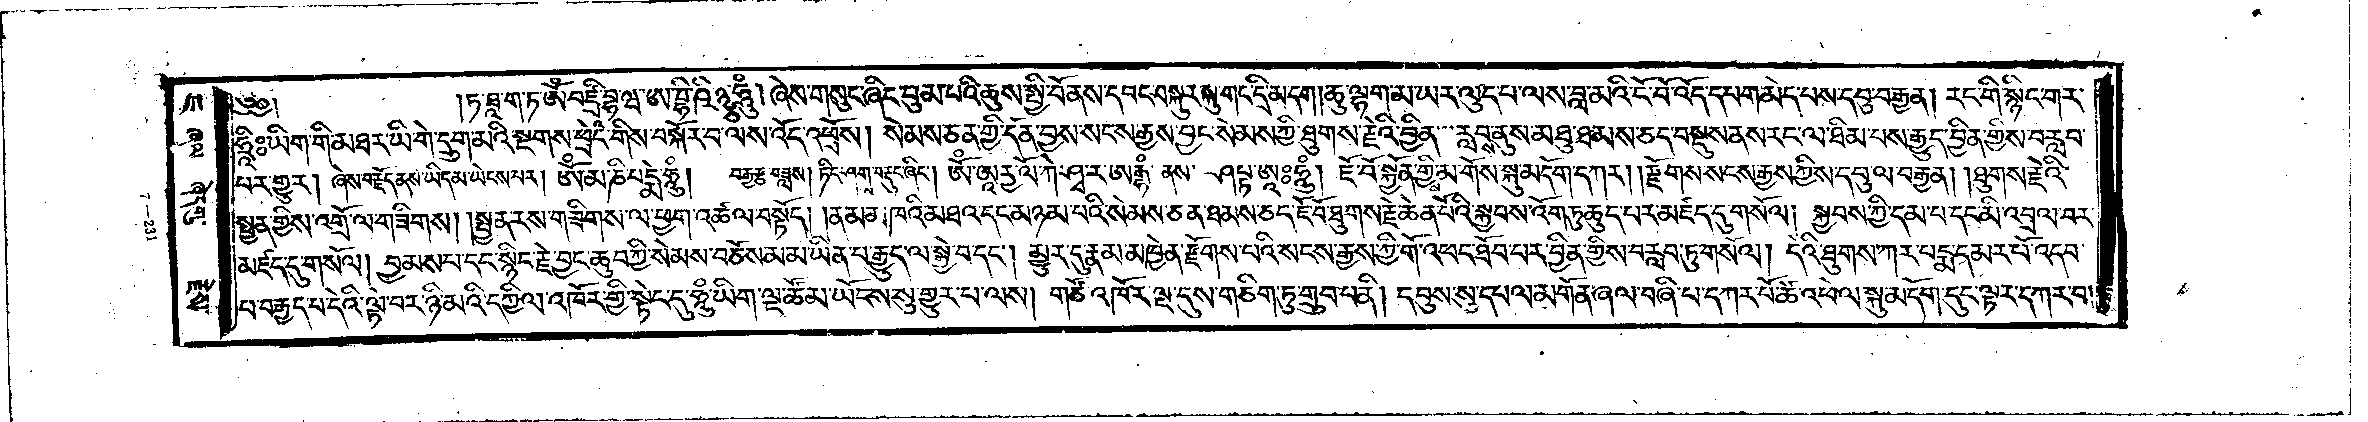༄༅། །ཏ་ཐཱ་ག་ཏ་ཨོཾ་བཛྲཱི་བྷ་ཝ་ཨ་བྷི་ཥྲིཉྩྭ་ཧཱུཾ། ཞེས་གསུང་ཞིང་བུམ་པའི་ཆུས་སྤྱི་བོ་ནས་དབང་བསྐུར་སྐུ་གང་དྲི་མ་དག །ཆུ་ལྷག་མ་ཡར་ལུང་པ་ལས་བླ་མའི་ངོ་བོ་འོད་དཔག་མེད་པས་དབུ་བརྒྱན། རང་གི་སྙིང་གར་
ཧྲཱིཿཡིག་གི་མཐར་ཡི་གེ་དྲུག་མའི་སྔགས་ཕྲེང་གིས་བསྐོར་བ་ལས་འོད་འཕྲོས། སེམས་ཅན་གྱི་དོན་བྱས་སངས་རྒྱས་བྱང་སེམས་ཀྱི་ཐུགས་རྗེའི་བྱིན་རླབས་ནུས་མཐུ་ཐམས་ཅད་བསྡུས་ནས་རང་ལ་ཐིམ་པས་རྒྱུད་བྱིན་གྱིས་བརླབ་
པར་གྱུར། ཞེས་བརྗོད་ནས་ཡིད་དམ་ཡེངས་པར།  ཨོཾ་མ་ཎི་པདམེ་ཧཱུཾ། བརྒྱ་རྩ་བཟླས། ཏིང་ཤགས་བརྡུང་ཞིང་།  ཨོཾ་ཨཱརྱ་ལོ་ཀེ་ཤྭ་ར་ཨརྒྷཾ་ནས་ཤཔྟ་ཨཱཿཧཱུཾ། ཇོ་བོ་སྐྱོན་གྱིས་མ་གོས་སྐུ་མདོག་དཀར། །རྫོགས་སངས་རྒྱས་ཀྱིས་དབུལ་བརྒྱན། །ཐུགས་རྗེའི་
སྤྱན་གྱིས་འགྲོ་ལ་གཟིགས། །སྤྱན་རས་གཟིགས་ལ་ཕྱག་འཚལ་བསྟོད། །ནམ་མཁའི་མཐའ་དང་མཉམ་པའི་སེམས་ཅན་ཐམས་ཅད་ཇོ་བོ་ཐུགས་རྗེ་ཆེན་པོའི་སྐྱབས་འོག་ཏུ་ཆུད་པར་མཛད་དུ་གསོལ། སྐྱབས་ཀྱི་དམ་པ་དང་མི་འབྲལ་བར་
མཛད་དུ་གསོལ། བྱམས་པ་དང་སྙིང་རྗེ་བྱང་ཆུབ་ཀྱི་སེམས་བཅོས་མ་མ་ཡིན་པ་རྒྱུད་ལ་སྐྱེ་བ་དང་། མྱུར་དུ་རྣམ་མཁྱེན་རྫོགས་བའི་སངས་རྒྱས་ཀྱི་གོ་འཕང་ཐོབ་བར་བྱིན་གྱིས་བརླབ་ཏུ་གསོལ། དེའི་ཐུགས་ཀར་པདམ་དམར་པོ་འདབ་
བ་བརྒྱད་པ་དེའི་ལྟེ་བར་ཉི་མའི་དཀྱིལ་འཁོར་གྱི་སྟེང་དུ་ཧཱུཾ་ཡིག་ལྔ་ཚོམ་ཡོངས་སུ་གྱུར་པར་ལས། གཙོ་འཁོར་ལྔ་དུས་གཅིག་ཏུ་གྲུབ་པ་ནི། དབུས་སུ་དཔལ་མགོན་ཞལ་བཞི་པ་དཀར་པོ་ཚེ་འཕེལ་སྐུ་མདོག་དུང་ལྟར་དཀར་བས་